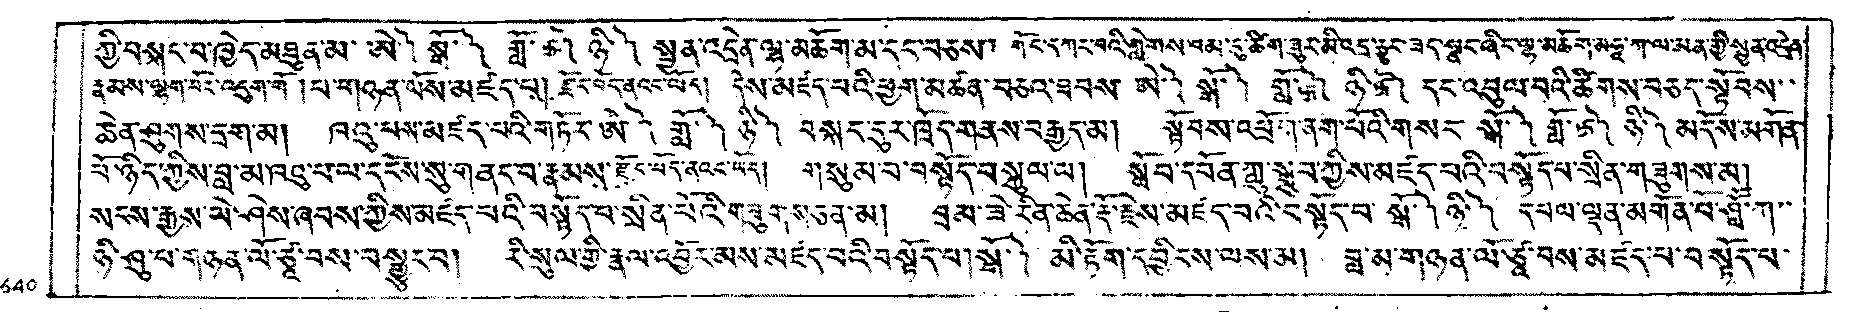ཀྱི་བསྐང་བ་ཁྱེད་མཐུན་མ་ཨ྄ེ་སྒ྄ོ་གློ~྾?་ཉ྄ི་སྤྱན་འདྲེན་ལྷ་མཆོག་མ་དང་བཅས། གོང་དཀར་བའི་གླེགས་བམ་དུ་ཚིག་ཟུར་མི་འདྲ་ཅུང་ཟད་སྣང་ཞིང་ལྷ་མཆོག་མཧཱ་ཀ་ལ་མན་གྱི་སྤྱན་འདྲེན་
རྣམས་ལྷག་པོར་འདུག་གོ ། པ་གཉན་ལོས་མཛད་པ། རྫོང་པོད་ནའང་ཡོད།  དེས་མཛད་པའི་ཕྱག་མཚན་བཅའ་ཐབས་ཨ྄ེ་སྒ྄ོ་གློ~྾?་ཉི~྾?་དང་འབུལ་བའི་ཚིགས་བཅད་སྟོབས་
ཆེན་ཤུགས་དྲག་མ། ཁའུ་པས་མཛད་པའི་གཏོར་ཨ྄ེ་གླ྄ོ་ཉ྄ི་བསྐང་དུར་ཁྲོད་གནས་བརྒྱད་མ། སྟོབས་འཕྲོག་ནག་པོའི་གསང་སྒ྄ོ་གློ~྾?་ཉ྄ི་མདོས་མགོན་
པོ་ཉིད་ཀྱིས་བླ་མ་ཁའུ་པ་ལ་དངོས་སུ་གནང་བ་རྣམས་རྫོང་པོད་ནའང་ཡོད།  གསུམ་པ་བསྟོད་བསྐུལ་ལ། སློབ་དཔོན་ཀླུ་སྒྲུབ་ཀྱིས་མཛད་པའི་བསྟོད་པ་སྲིན་གཟུགས་མ།
སངས་རྒྱས་ཡེ་ཤེས་ཞབས་ཀྱིས་མཛད་པའི་བསྟོད་པ་སྲིན་པོའི་གཟུགས་ཅན་མ། བྲམ་ཟེ་རིན་ཆེན་རྡོ་རྗེས་མཛད་པའི་བསྟོད་པ་སྒ྄ོ་ཉ྄ི་དཔལ་ལྡན་མགོན་པོ་ཤླཽ་ཀ་
ཉི་ཤུ་པ་གཉན་ལོ་ཙཱ་བས་བསྒྱུར་བ། རི་སུལ་གྱི་རྣལ་འབྱོར་མས་མཛད་པའི་བསྟོད་པ། སྒ྄ོ་མི་རྟོག་དབྱིངས་ལས་མ། བླ་མ་གཉན་ལོ་ཙཱ་བས་མཛད་པ་བསྟོད་པ་